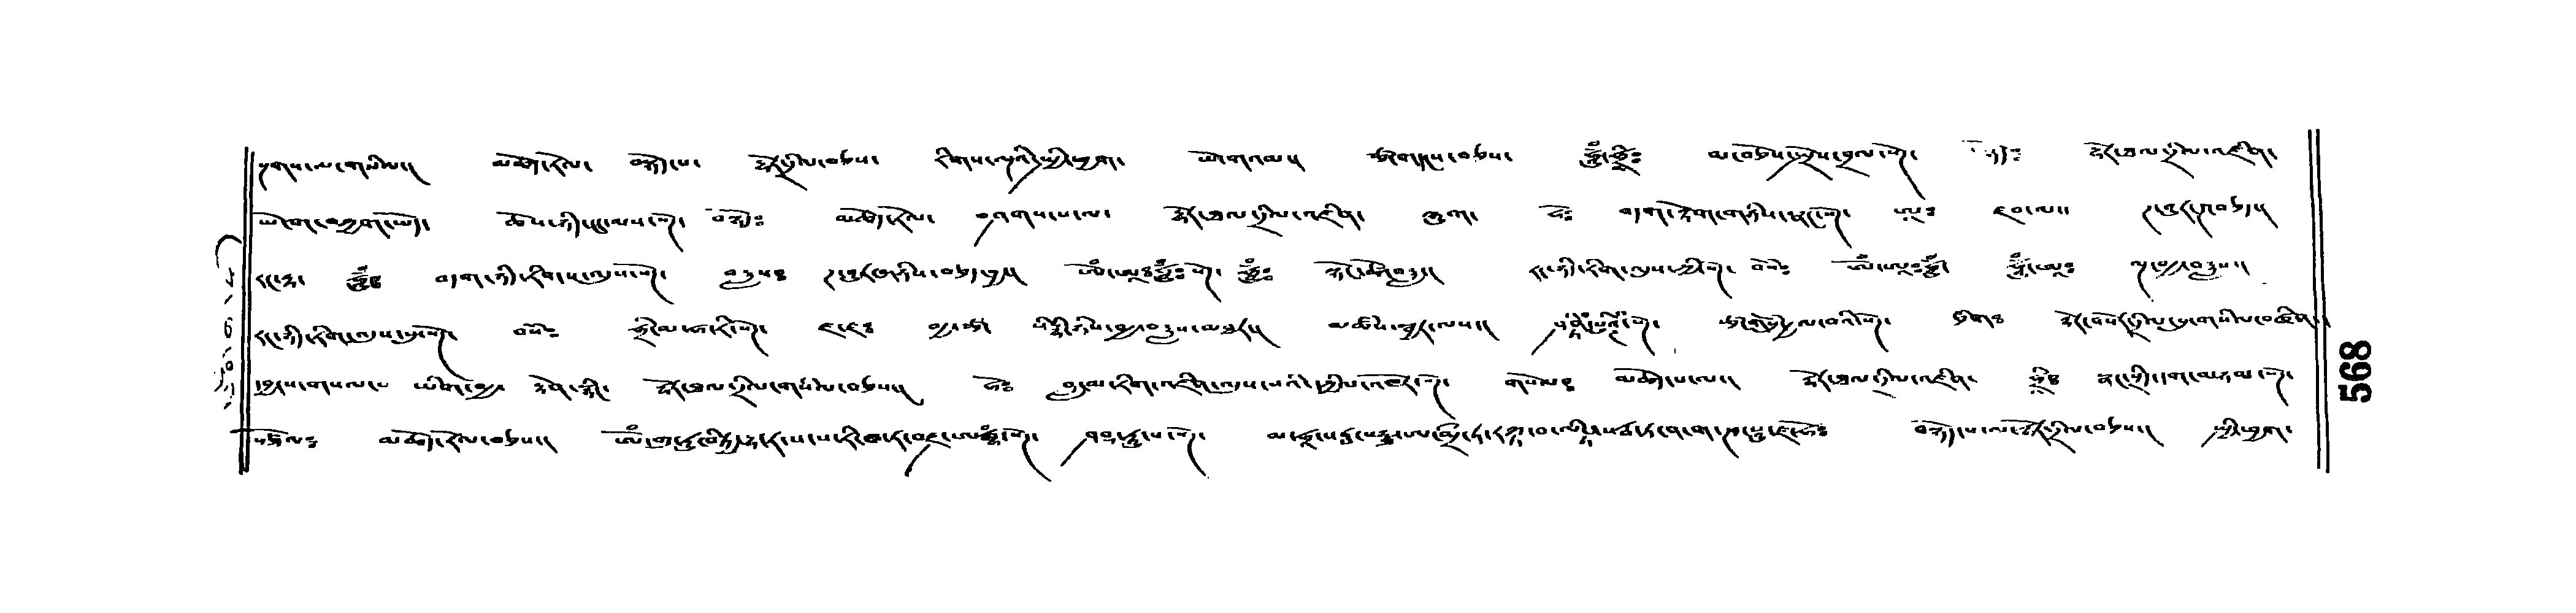སྔགས་ལ་གསིལ། མཆོད་རོལ། བསྟོད་པ། རྡོར་དྲིལ་བཅས། རིགས་ལྔའི་སྤྱི་ཕྱག ཡོ་གའམ། རྩ་གདངས་བཅས། ཧཱུྃ་ཧྲཱིཿ མ་བཅོས་སྤྲོས་བྲལ་སོགས། བསྟོདཿ རྡོར་ཐལ་དྲིལ་འཛིན་
ཡོ་ག་བཀྱག་ཡོད། ཆོས་ཉིད་ངང་ལས་སོགས། བསྟོདཿ མཆོད་རོལ། བཤགས་པ་ལ། རྡོར་ཐལ་དྲིལ་འཛིན། ལྷུག ཧོཿ བདག་རྟག་གཉིས་སྣང་སོགས། ཨཱཿ འཛབ་ལ། ཌཱ་འུར་ཌ་བཅད། 
རང་རྟ། ཧཱུྃཿ བདག་ཉིད་རིག་འདུས་སོགས། བཟླསཿ ཌཱ་འུར་གཉིས་བཅད་བྱ། ཨོཾ་ཨཱཿཧཱུྃཿ སོགས། ཧཱུྃཿ སྟོང་ཚོ་བཟླ། རང་ཉིད་རིག་འདུས་ཀྱི་སོགས། བསམཿ ཨོཾ་ཨཱཿཧཱུྃཿ ཧཱུྃ་ཨཱཿ ལྔ་བརྒྱ་བཟླས། 
རང་ཉིད་རིག་འདུས་སུ་སོགས། བསམཿ ཧྲི་མ་ཧ་རི་སོགས། ཛ་ཛཿ བརྒྱ་རྩ། སིདྡྷི་ཉིས་བརྒྱ་བཟླས་མཐར། མཚམས་སྦྱར་ལས། ཤནྟིཾ་པུཥྚིཾ་སོགས། རྩ་གསུམ་རྒྱལ་བའི་སོགས། ཅིགཿ རྡོར་བསོར་དྲིལ་བུ་གསིལ་བཞིན་
དབྱངས་གསལ། ཡིག་བརྒྱ། རྟེན་སྙིང་། རྡོར་ཐལ་དྲིལ་གསིལ་བཅས། ཧོཿ བླ་མ་རིག་འཛིན་འདུས་པའི་དཀྱིལ་འཁོར་སོགས། གསོལཿ མཆོད་པ་ལ། རྡོར་ཐལ་དྲིལ་འཛིན། ཧྲཱིཿ སྣང་སྲིད་དག་མཉམ་སོགས། 
སྩོལ། མཆོད་རོལ་བཅས། ཨོཾ་གུ་རུ་བིདྱ་དྷ་ར་ས་པ་རི་ཝ་ར་བཛྲ་ཨརྒྷཾ་སོགས། ཤབྡ་རཱུ་པ་སོགས། མ་ཧཱ་སརྦ་པཉྩ་ཨ་མྲྀ་ཏ་རཀྟ་བ་ལིངྟ་སརྦ་ཏ་ན་ག་ཎ་པཱུ་ཛ་ཧོཿ བསྟོད་པ་ལ་རྡོར་དྲིལ་བཅས།སྤྱི་ཕྱག་